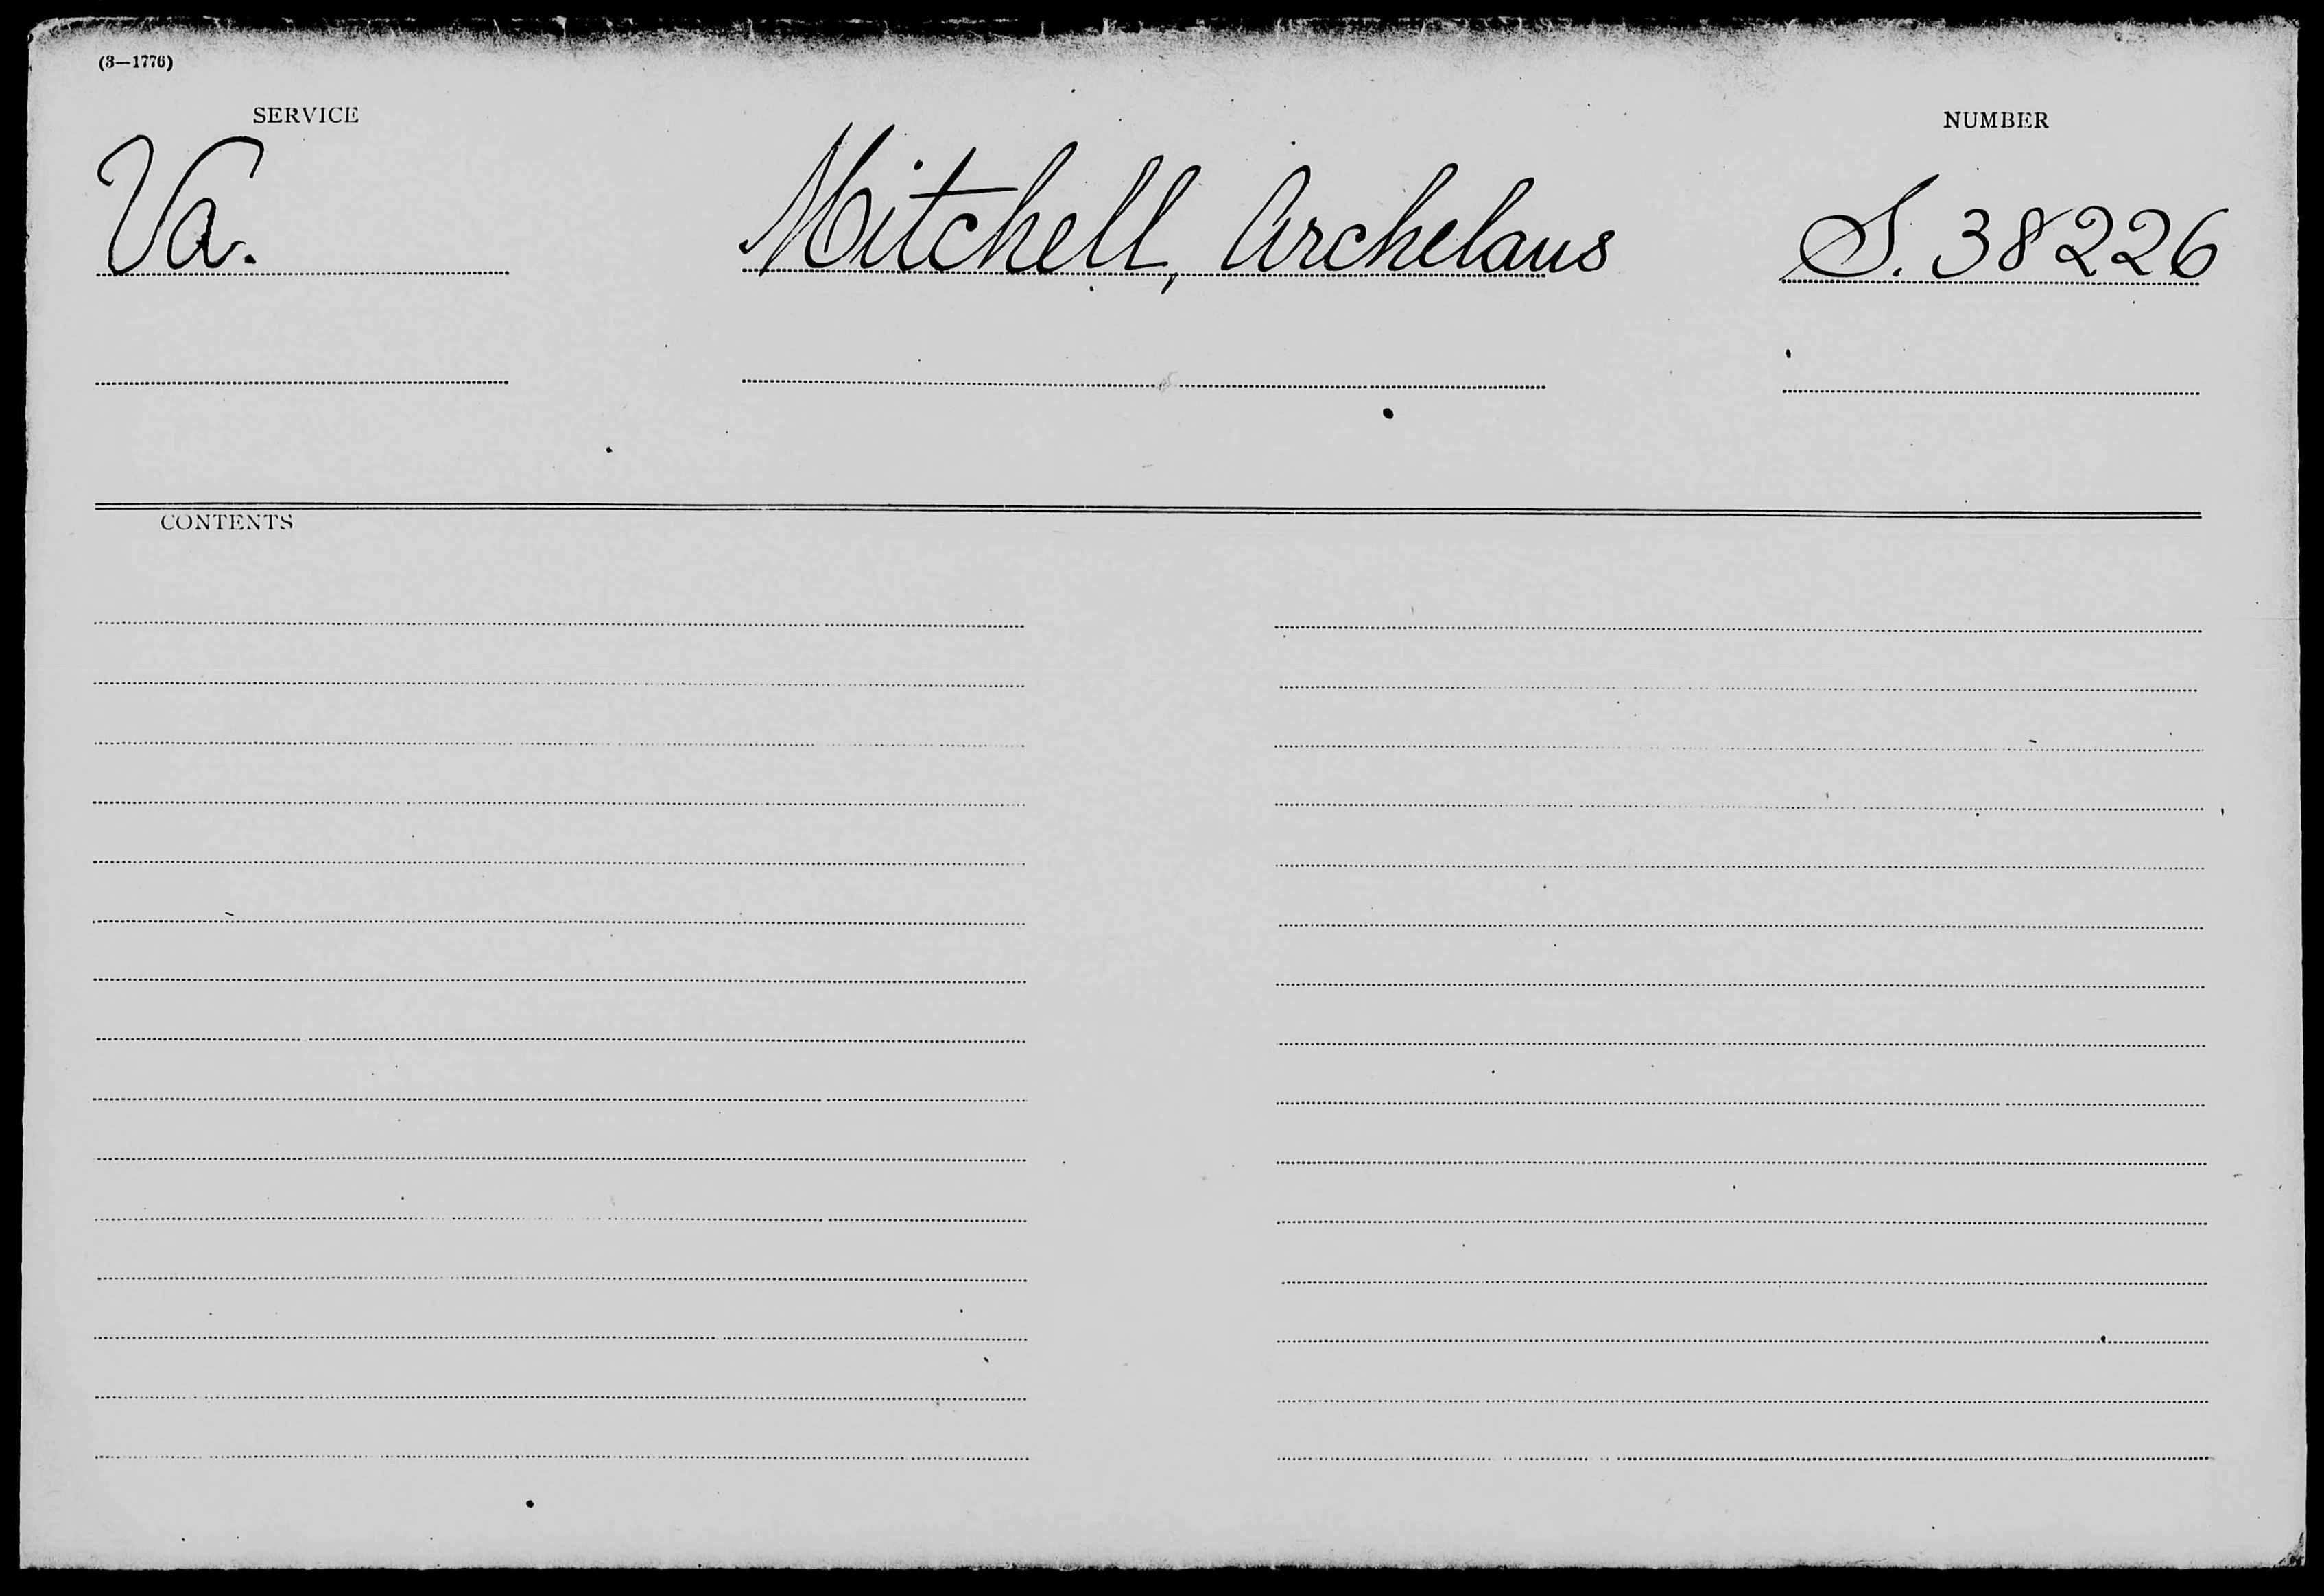(3-1776)

SERVICE
Va.

Mitchell, Archelaus

NUMBER
S. 38226

CONTENTS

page: 1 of 23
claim: survivor's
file: S. 38226, for Archelaus Mitchell, Virginia